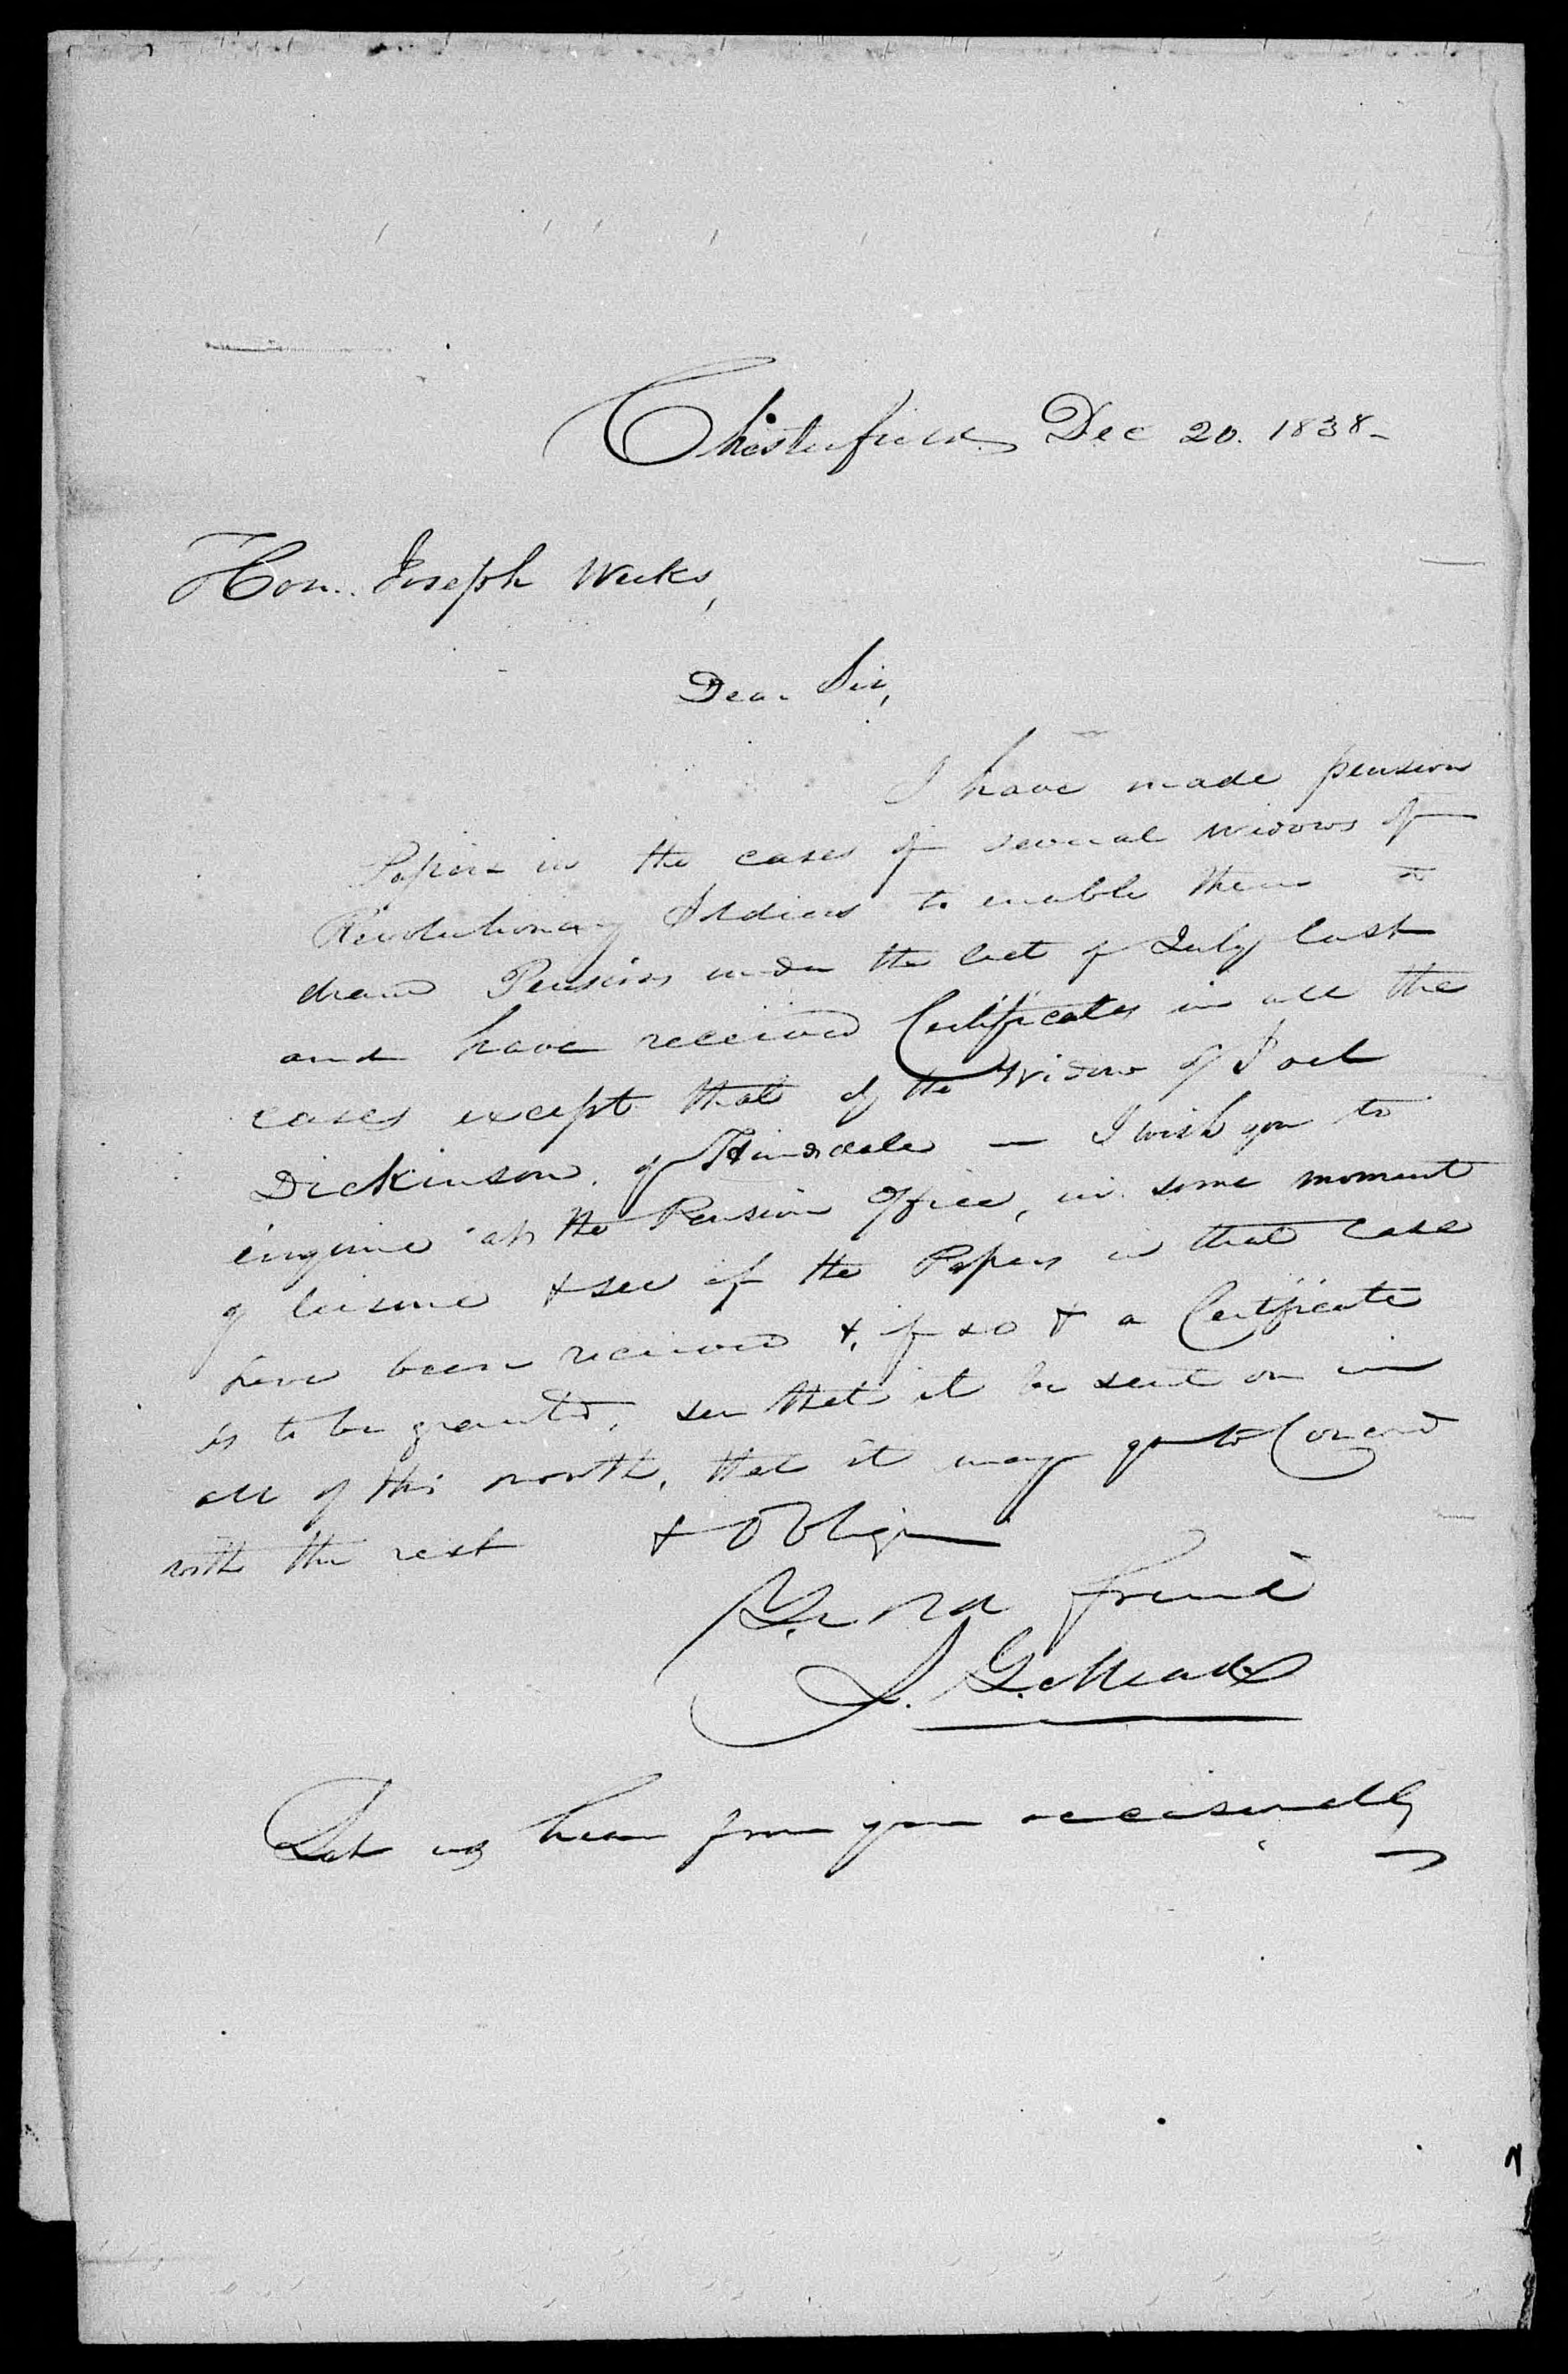Chesterfield  Dec 20, 1838

Hon Joseph Weeks,'

Dear Sir,
I have made pension papers in the cases of several widows of Revolutionary Soldiers to enable them to draw Pensions under the act of July last and have received Certificates in all the cases except that of the Widow of Joel Dickinson, of Hinsdale _  I wish you to enquire at the Pension offices, in  some moment of business (?) & see if the papers in that case have been recorded & if so & a Certificate is to be granted, see that is be sent on with all of this month, that it may get (illegible) with the rest.  
& oblige 
(illegible) 
S. G. Mead
 (illegible) hear from you occassionally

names: Joseph Weeks, S G Mead, Joel Dickinson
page: 29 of 31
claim: widow's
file: W. 22946, Joel Dickinson, Mass.